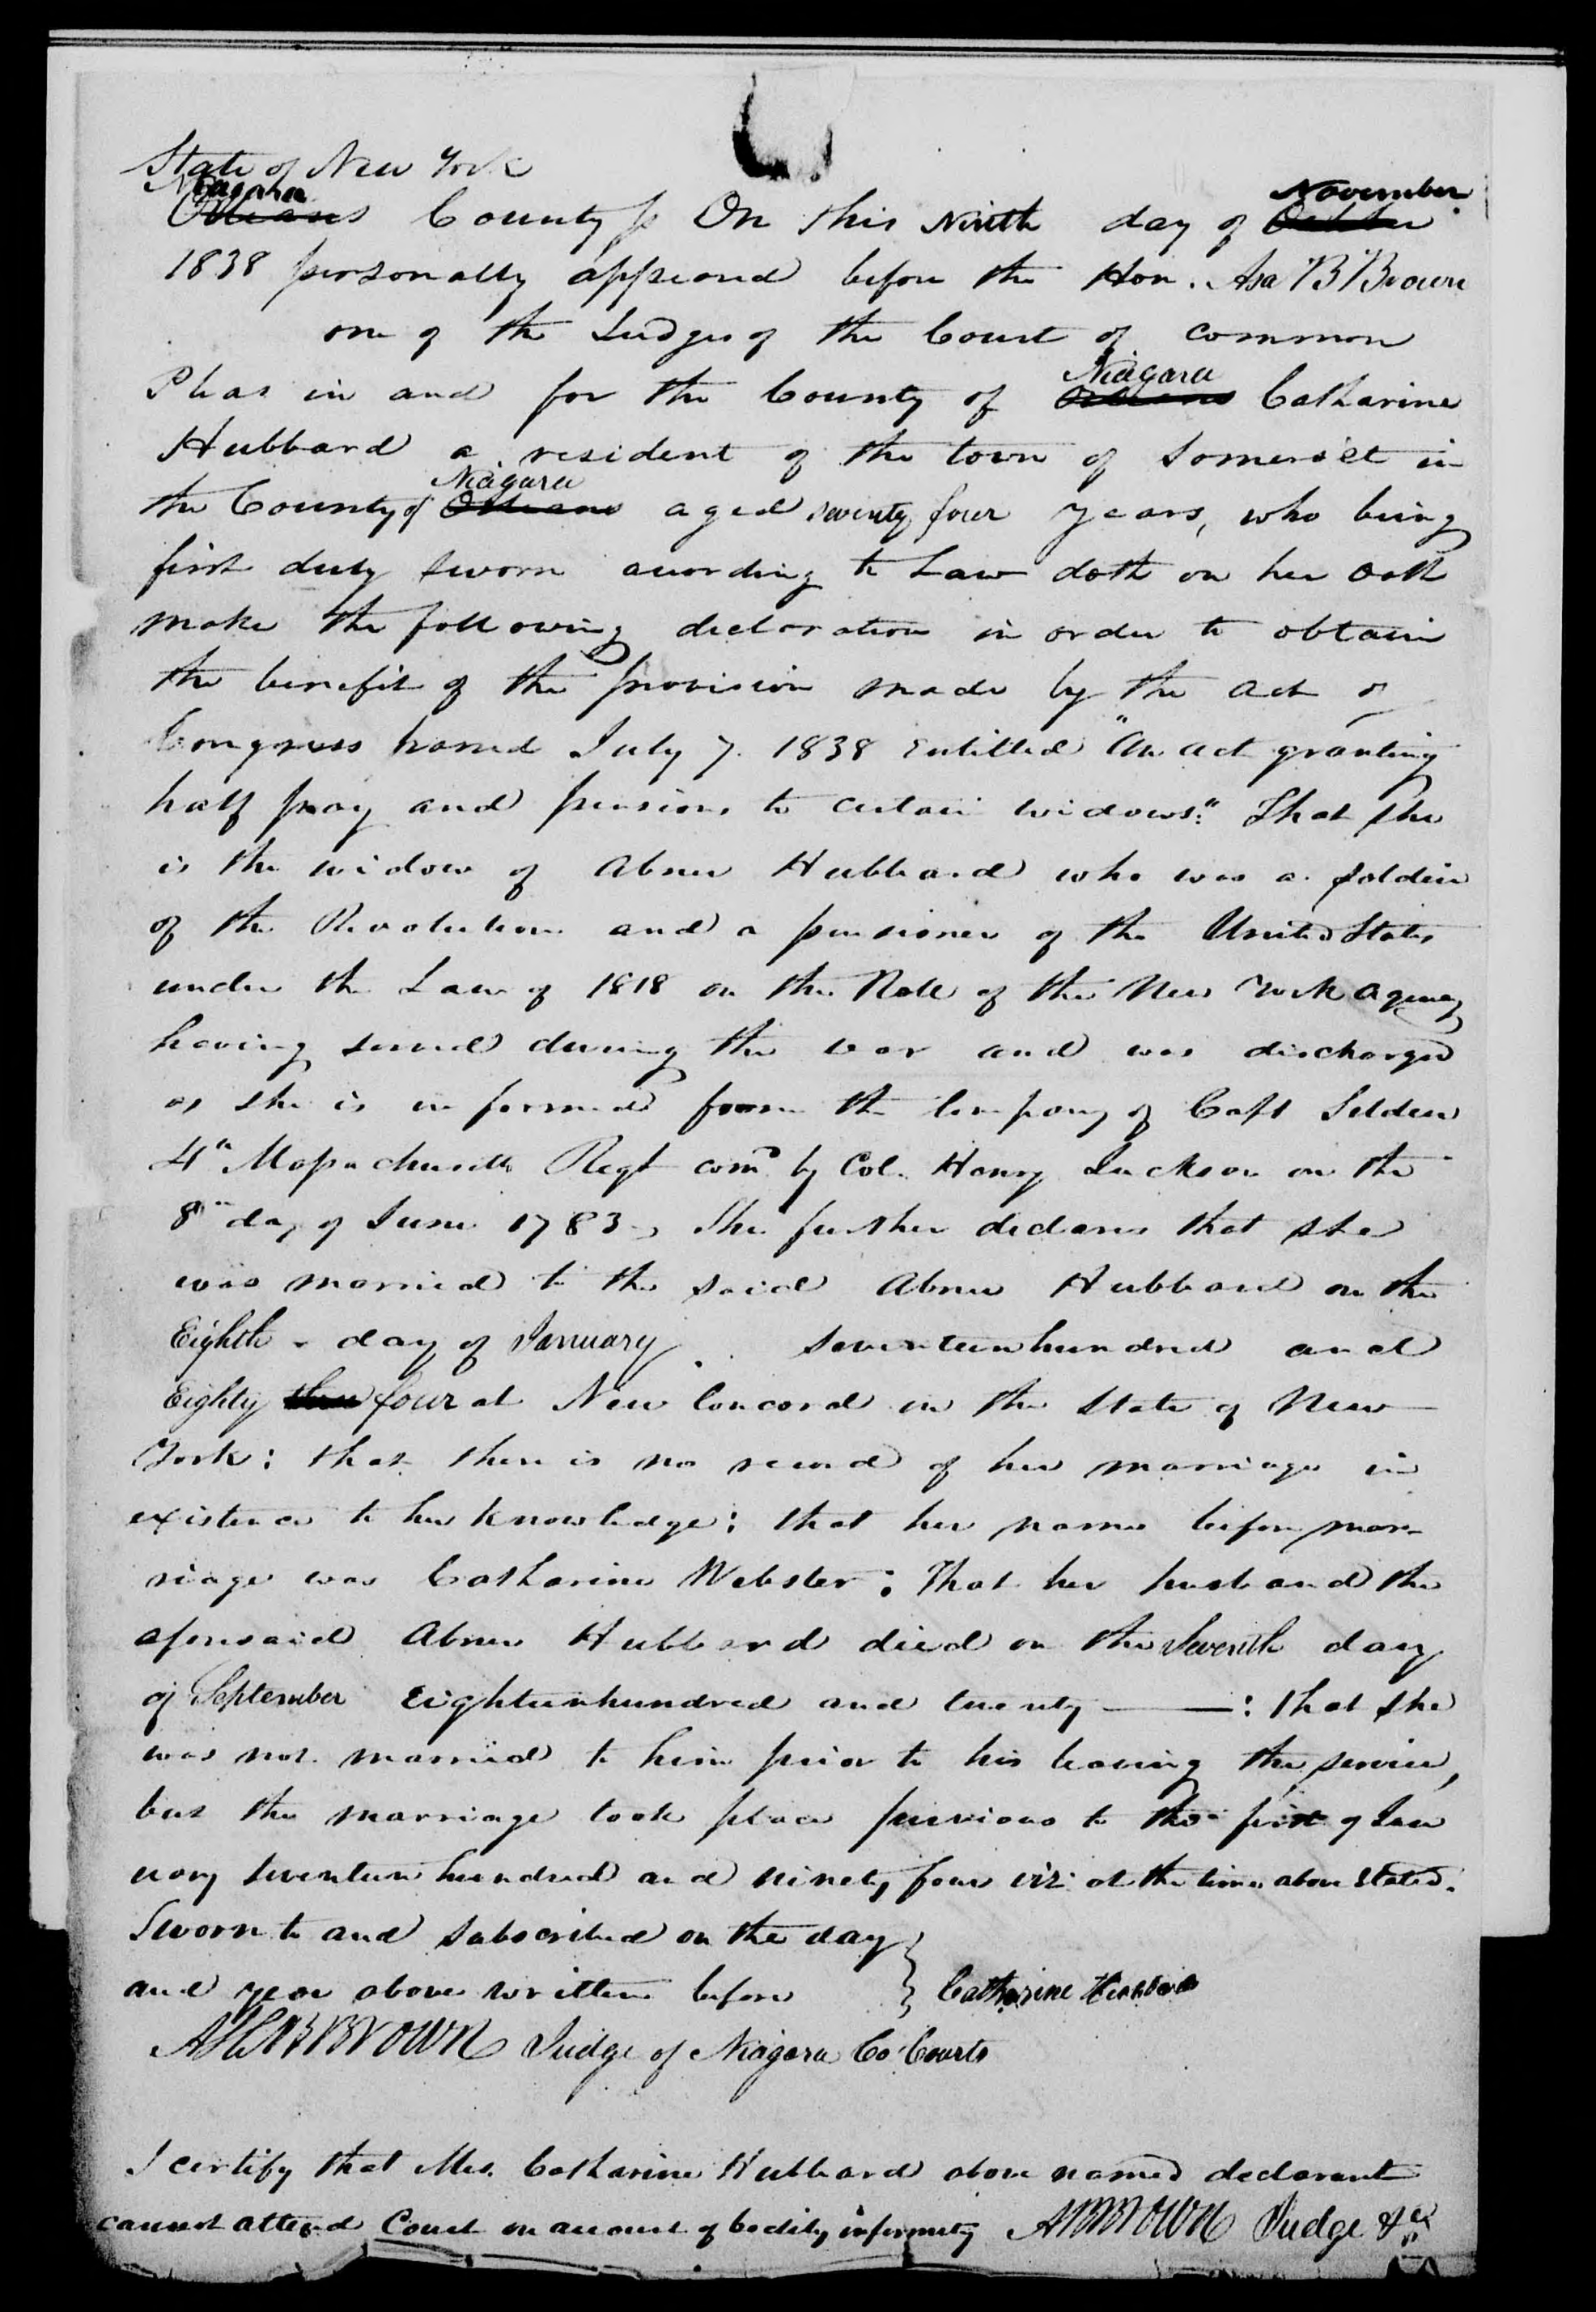State of New York
Niagara County on this ninth day of November 1838 personally appeared before the Hon. Asa B. Brown one of the Judges of the Court of common Pleas in and for the County of Niagara Catharine Hubbard a resident of the town of Somerset in the County of Niagara aged seventy four years, who being first duly sworn according to Law  doth on her oath make the following declaration in order to obtain the benefit of the pension made by the act of Congress passed July 7 1838 entitled "An act granting half pay and pensions to certain widows."  That she is the wido of Abner Hubbard who was a soldier of the Revolution and a pensioner of the United States under the law of 1818 on the Roll of the New York agency, having served during the war and was discharged  as she is informed from the Company of Capt. Selden 4th Massachusetts Regt and by Col. Henry Jackson on the 8th day of June 1783.  She further declares that she was married to the said Abner Hubbard on the eighth day of January seventeen hundred  and eighty four at New Concord in the State of New York; that there is no record of her marriage in existence to her knowledge; that her name before marriage was Catharine Webster.  That her husband the aforesaid Abner Hubbard died on the seventh day of September eighteen hundred and twenty ___.  That she was not married to him prior to his having the pension but the marriage took place previous to the first of January seventeen hundred and ninety four viz at the time above stated.
Catherine Hubbard
Sworn to and subscribed on the day and year above written before 
Asa B Brown Judge of Niagara Co Courts
I certify that Mrs. Catharine Hubbard above named declarant cannot attend court on account of bodily infirmity
Asa B Brown Judge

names: Abner Hubbard, Asa B Brown, Henry Jackson, Catharine Webster, Selden, Catharine Hubbard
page: 33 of 38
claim: widow's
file: W. 23,381, Abner Hubbard, Continental Mass.